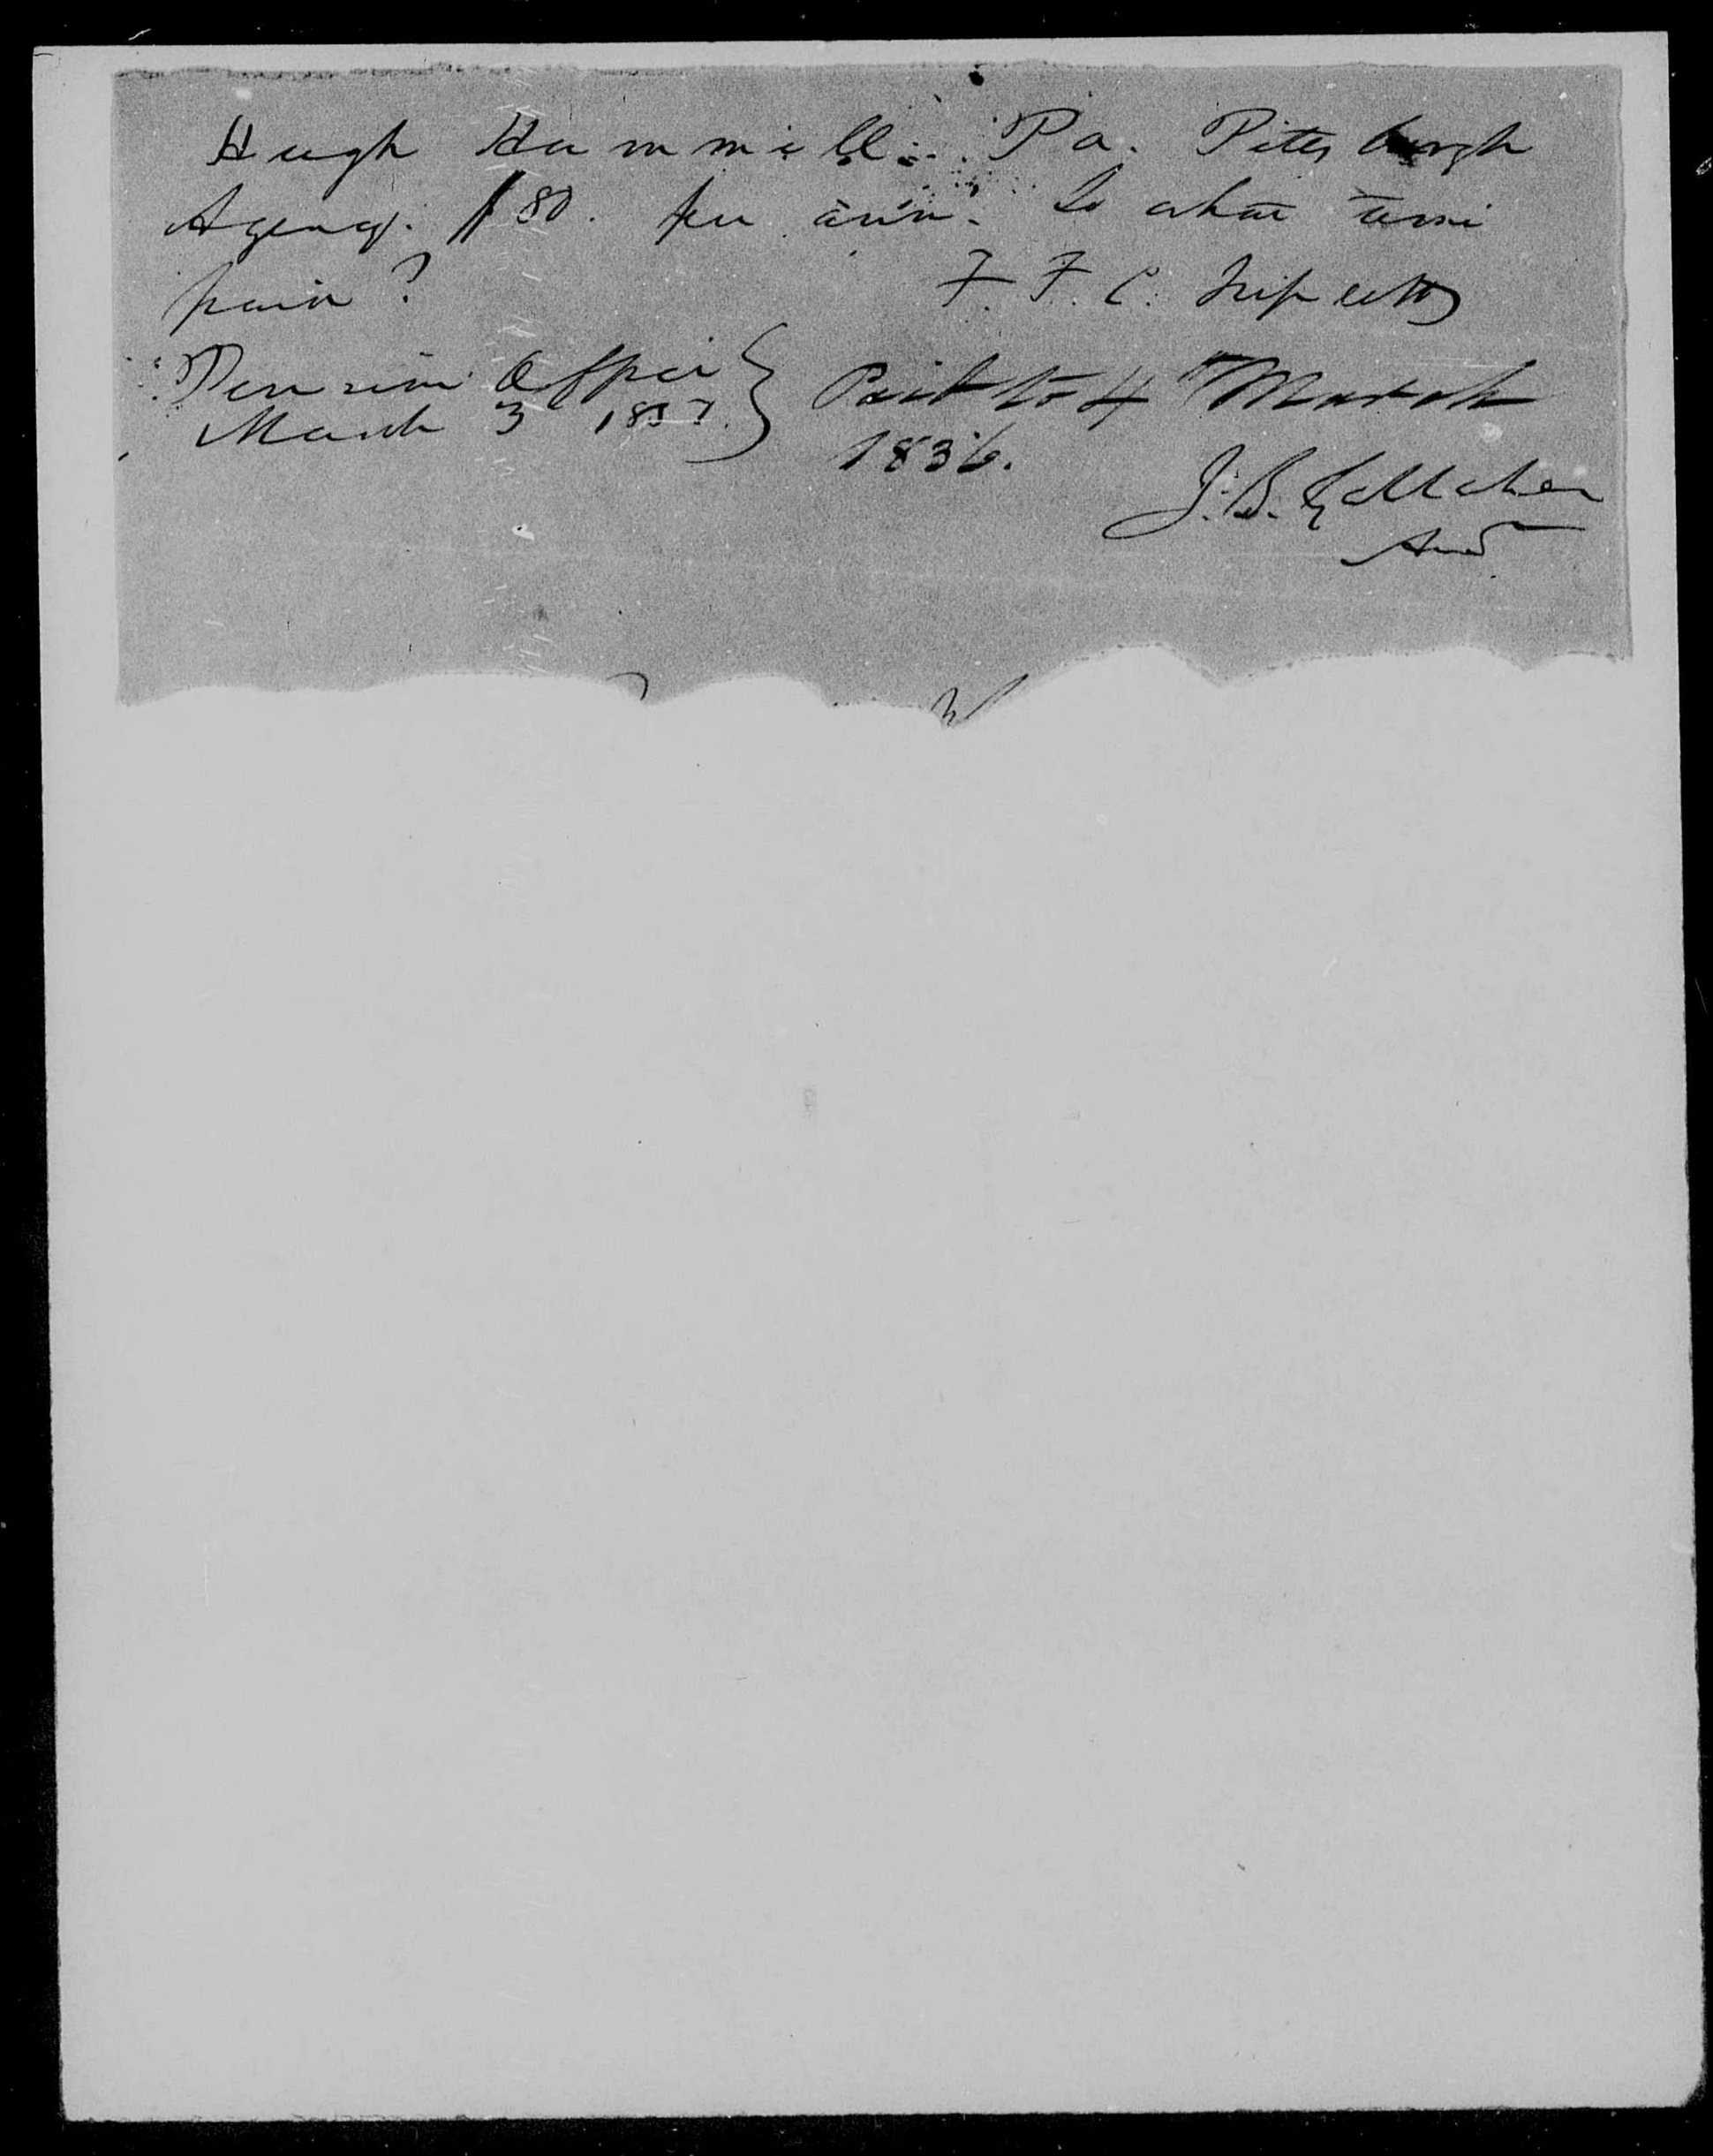Hugh Hammill Pa. Pittsburgh
Ageing. $80 per anim. To what time  
pain?   F.F.C. Fifteenth
Pension Office   Paulito H Marah
March 3 1837    1836.  J. B. Gallaher
[illeligble]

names: F F C Triplett, Hugh Hammill, J B G Meher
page: 83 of 92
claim: widow's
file: W 1173, Robert Hamill, Penn.